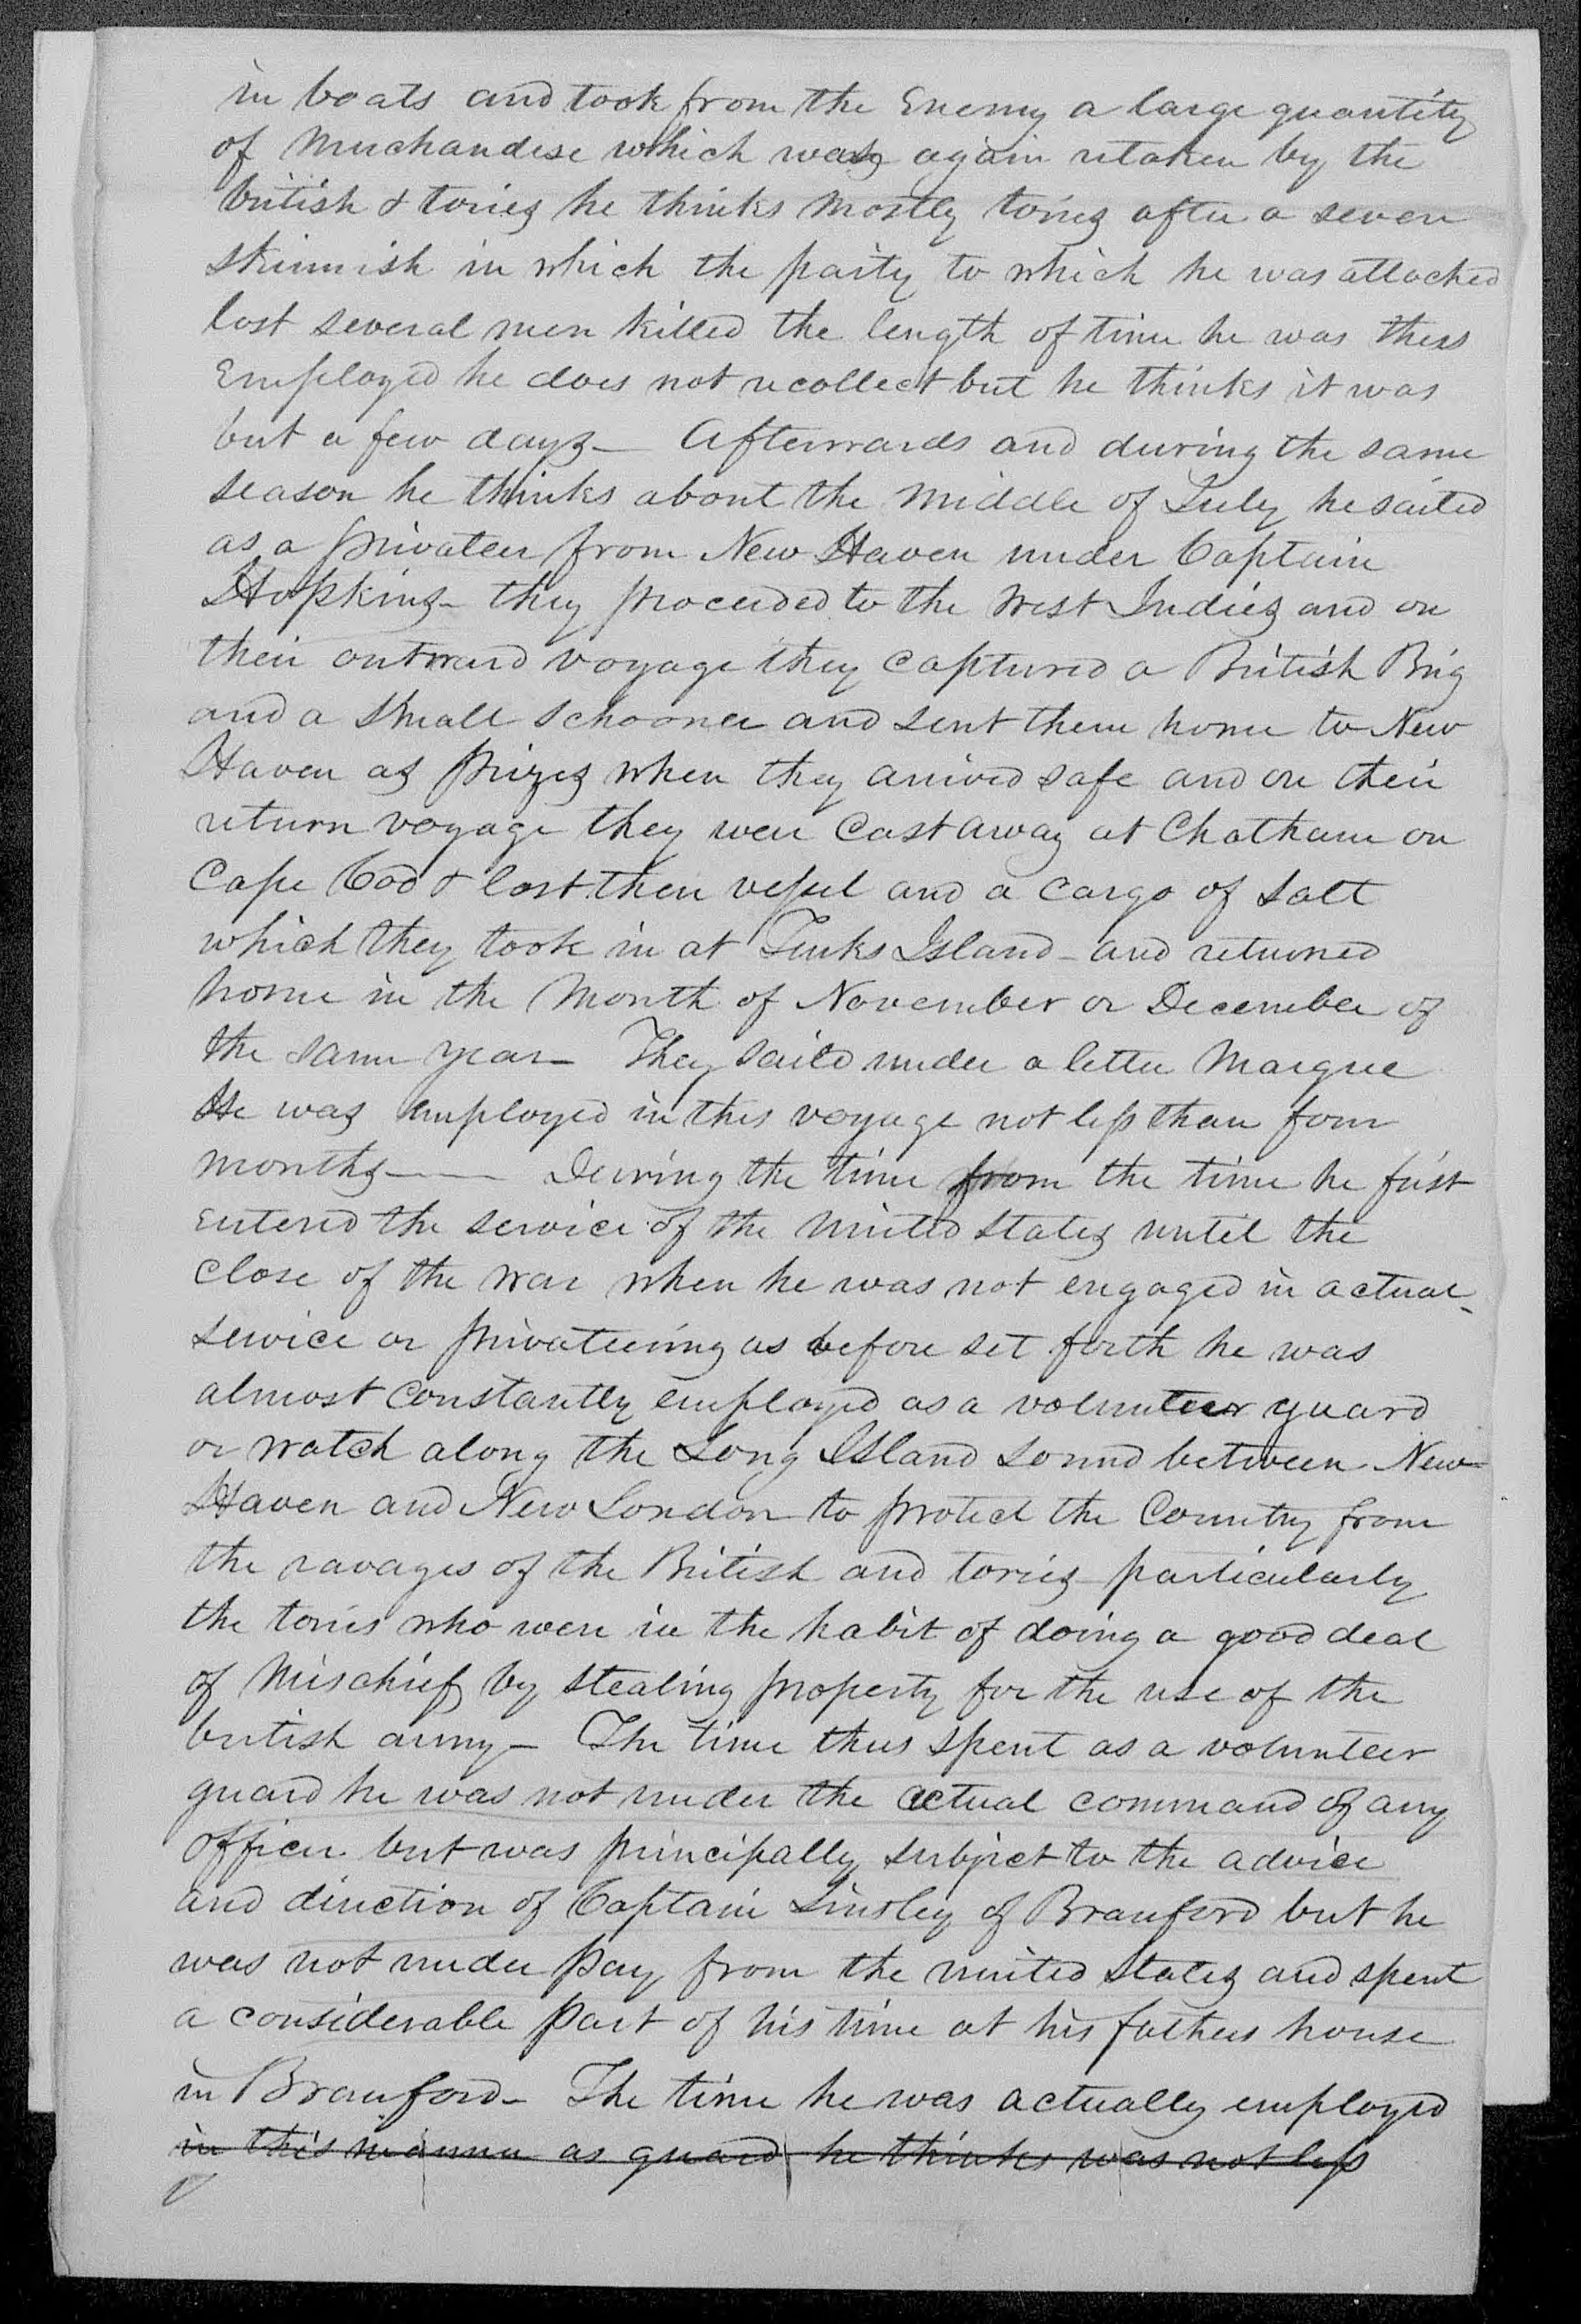he boats and took from the enemy a large quantity of Merchandise which was again taken by the British & Tories he thinks mostly Tories after a severe skirmish in which the party to which he was attached lost several men killed the length of time he was thus employed.  He does not recollect but he thinks it was but a few days.  Afterwards and during the same Season he thinks about the middle of July he sailed as a private from New Haven under Captain Hopkins, they proceeded to the West Indies and on their outward voyage they captured a British Brig and a small schooner and sent them home to New Haven as prizes.  When they arrived safe and on their return voyage they were cast away at Chatham on Cape Cod & lost the vessel and a cargo of salt which they took in at Links Island, and returned home in the month of November or December of the same year. They sailed under a letter Marque.  He was employed in this voyage not less than four months.   During the time from the time he first entered the service of the United States until the close of the war when he was not engaged in actual service or privateering as before set forth he was almost constantly employed as a volunteer guard or watch along the Long Island sound between New Haven and New London to protect the country from the ravages of the British and Tories, particularly the Tories who were in the habit of doing a good deal of Mischief by stealing property for the use of the British army.  The time thus spent as a volunteer to guard he was not under the actual command of any officer but was principally subject to the advice and direction of Captain Linsley of Branford but he was not under pay from the United States and spent a considerable part of his time at his fathers house in Branford. The time he was actually employed as guard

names: Hopkins, Linsley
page: 5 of 35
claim: rejected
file: R. 501, Phineas Barker, Conn. Privateer